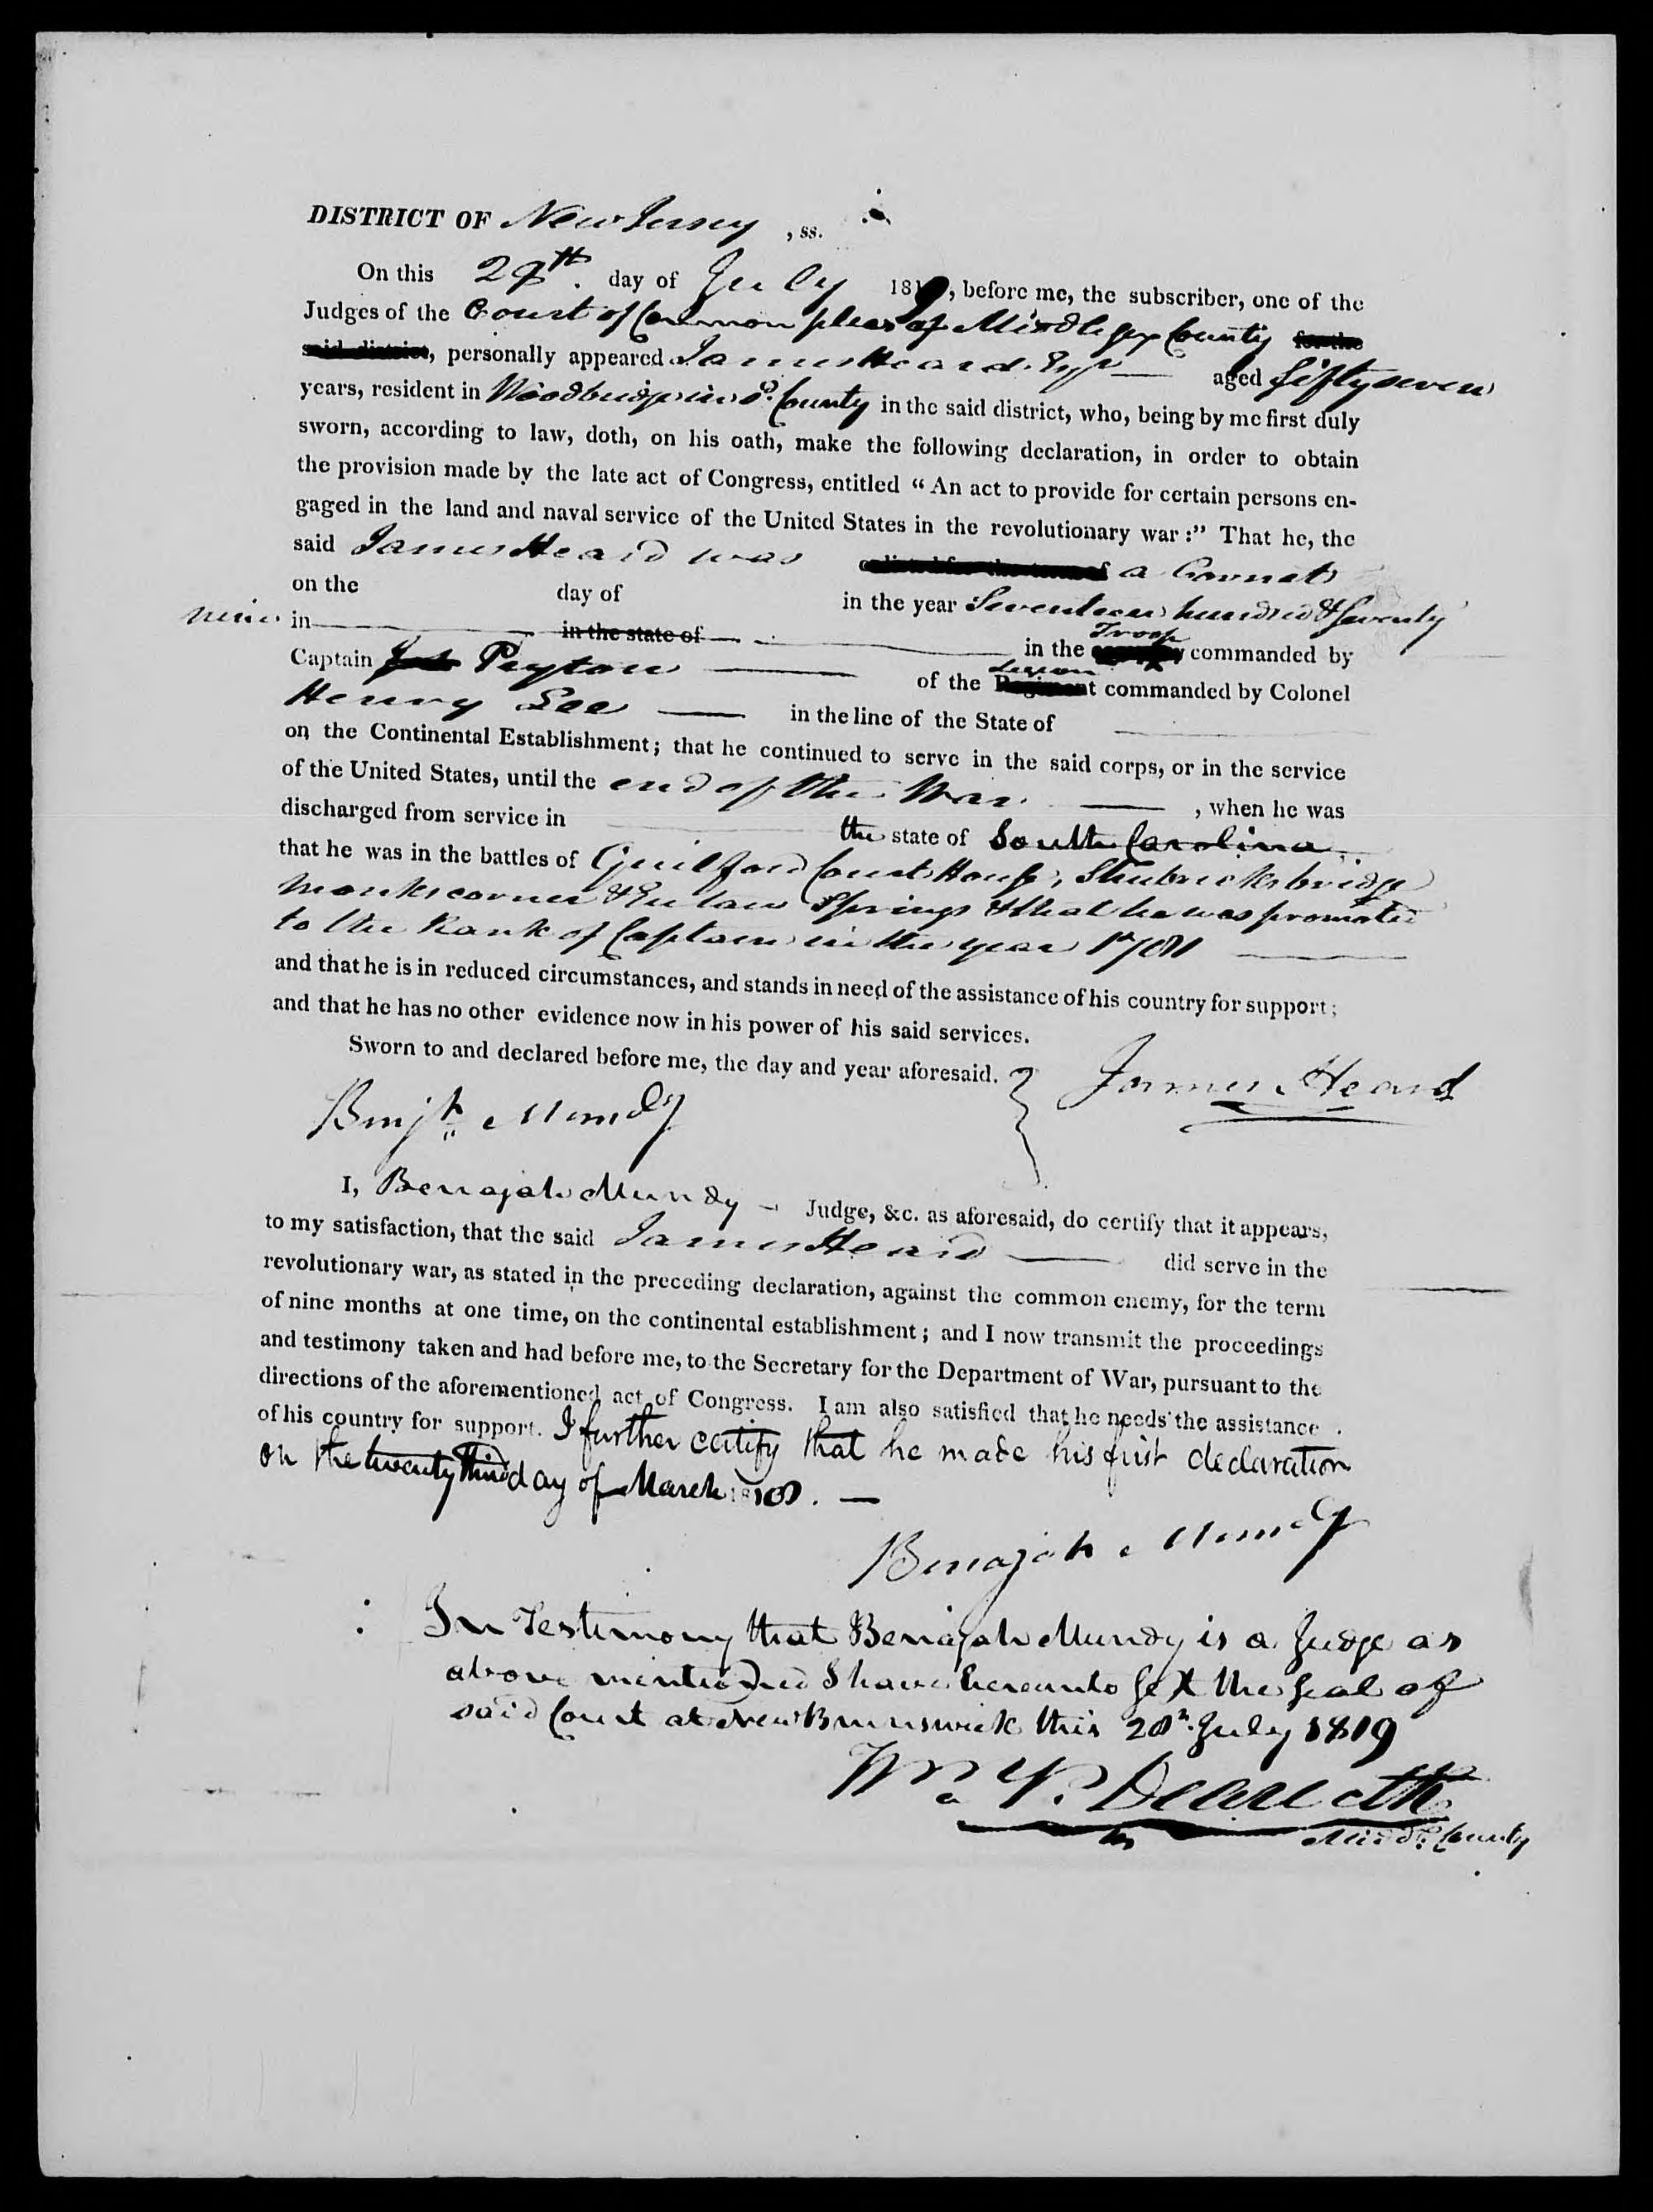District of New Jersey, ss.

On this 29th day of July, 1819, before me, the subscriber, one of the Justices of the Court of Common Pleas of Middlesex County, personally appeared James Heard, Major, aged fifty seven years, resident in Woodbridge in the said district, who, being by me first duly sworn, according to law, doth, on his oath, make the following declaration, in order to obtain the provision made by the late act of Congress, entitled "An Act to Provide for Certain Persons Engaged in the Land and Naval Service of the United States in the Revolutionary War:” That he, the said Janu Heard, was a Lieutenant on the [Blank] day of [Blank] in the troop commanded by Captain Peyton of the Legion commanded by Colonel Henry Lee in the State of [Blank] on the Continental Establishment; that he continued to serve in the said corps, or in the service of the United States, until the end of the war, when he was discharged from service in the State of South Carolina, that he was in the battles of Guilford Courthouse, Shubrick's Bridge, Monck's Corner, Eutaw Springs  & that he was promoted to the rank of Captain in the year 1781, and that he is in reduced circumstances, and stands in need of the assistance of his country for support; that he has no other evidence now in his power of his said services. 

Sworn to and declared before me, the day and year aforesaid.

Benajah Mundy 

I, Benajah Mundy, Judge, as aforesaid, do certify that it appears to my satisfaction, that the said that the said James Heard did serve in the Revolutionary War, as stated in the preceding declaration, against the common enemy, for the term of nine months at one time, on the continental establishment; and I now transmit the proceeding and testimony taken and had before me, to the Secretary for the Department of War, pursuant to the directions of the aforementioned act of Congress. I am also satisfied that he needs the assistance of his country for support. I further certify that he made his first declaration on the twenty third day of March 1818. 

Benajah Mundy 

In testimony that Benjamin Mundy is a Judge as above mentioned I have hereunto set the seal of said Court at New Brunswick this twenty 20th July 1819
W. P. Dean, Clerk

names: Benajah Mundy, James Heard, Henry Lee, James Heard, James Heard, Peyton, Benajah Mundy, Benajah Mundy, James Heard, Wm P Dean, Benjn Mundy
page: 15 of 62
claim: survivor's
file: S. 540, James Heard, Continental - New Jersey Residence In 1818